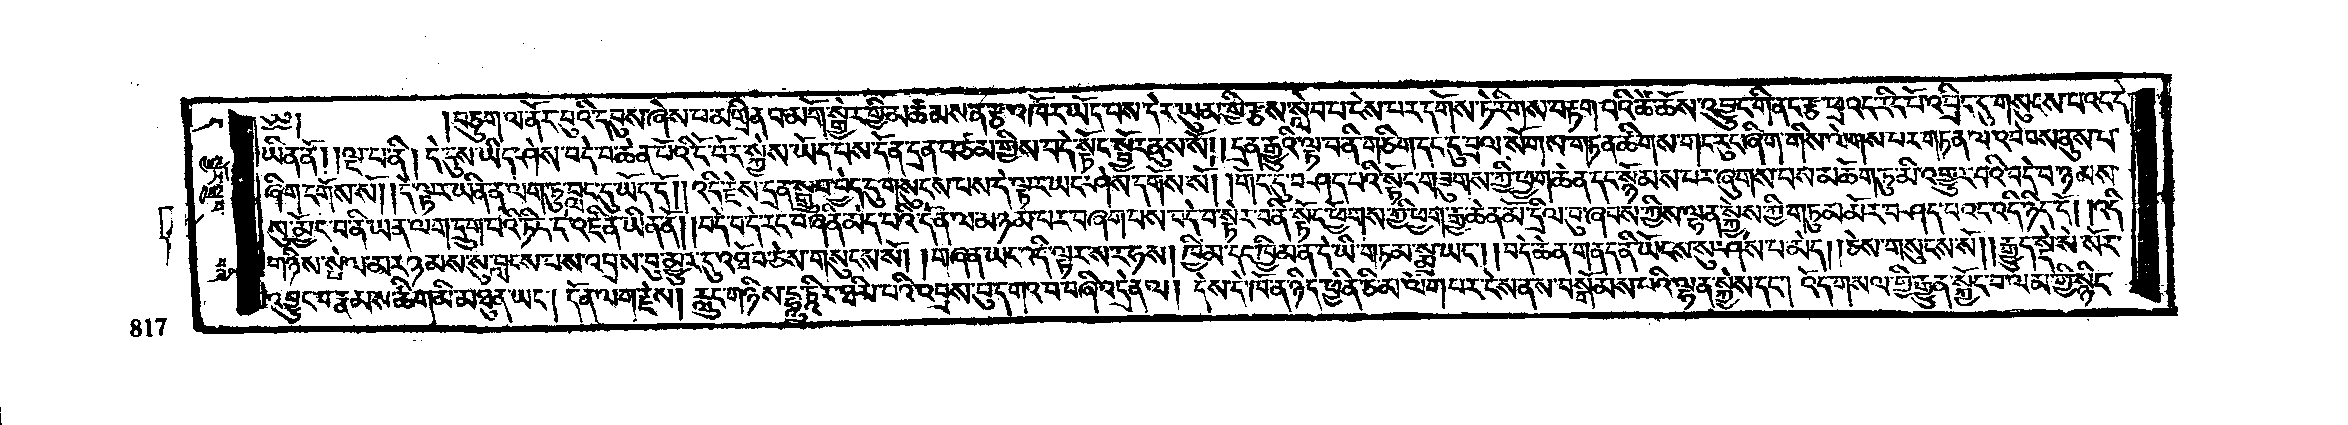༄༅། །བཅུག་ལ་ནོར་བུའི་དབུས་ཞེས་པ་མགྲིན་པ་མགོ་སྒྱེར་གྱི་མཚམས་ན་རྩ་འཁོར་ཡོད་པས་དེར་ཡུམ་གྱི་རྩས་སླེབ་པ་ངེས་པར་དགོས་ཏེ་རིགས་བརྟག་པའི་ཚེ་ཆོས་འབྱུང་གི་ནང་རྩ་ཕྲའང་རིང་པོ་འབྲིང་དུ་གསུངས་པའང་དེ་
ཡིན་ནོ། །ལྔ་པ་ནི། དེ་དུས་ཡིད་ཤེས་བདེ་བ་ཆེན་པོའི་ངོ་བོར་སྐྱེས་ཡོད་པས་དོན་དྲན་པ་ཙམ་གྱིས་བདེ་སྟོང་སྦྱོར་ནུས་སོ། །དྲན་རྒྱུའི་ལྟ་བ་ནི་གཅིག་དང་དུ་བྲལ་སོགས་གཏན་ཚིགས་གང་རུང་ཞིག་གིས་ལེགས་པར་གཏན་ལ་འབེབས་ནུས་པ་
ཞིག་དགོས་སོ། །དེ་ལྟར་ཡིན་ན་ལག་ཏུ་བླང་དུ་ཡོད་དོ། །འདི་རྗེས་དྲན་སྒྲུབ་བྱེད་དུ་གསུངས་པས་དེ་ལྟར་ཡང་ཤེས་དགོས་སོ། །གོང་དུ་བཤད་པའི་སྟོང་གཟུགས་ཀྱི་ཕྱག་ཆེན་དང་སྙོམས་པར་ཞུགས་པས་མཆོག་ཏུ་མི་འགྱུར་བའི་བདེ་བ་ཉམས་སུ་མྱོང་བ་ནི་ཡན་ལག་དྲུག་པའི་ཏིང་ངེ་འཛིན་ཡིན་ནོ། །བདེ་བ་དེ་རང་བཞིན་མེད་པའི་དོན་ལ་མཉམ་པར་བཞག་པས་བདེ་བ་སྟེར་བ་ནི་སྟོང་ཕྱོགས་ཀྱི་ཕྱག་རྒྱ་ཆེན་མོ་དྲིལ་བུ་ཞབས་ཀྱིས་ལྷན་སྐྱེས་ཀྱི་གཏུམ་མོར་བཤད་པའང་འདི་ཉིད་དོ། །འདི་
གཉིས་སྤེལ་མར་ཉམས་སུ་བླངས་པས་འབྲས་བུ་མྱུར་དུ་འཐོབ་ཅེས་གསུངས་སོ། །གཞན་ཡང་འདི་ལྟར་ས་ར་ཧ་ས། ཁྱིམ་དང་ཁྱིམ་ན་དེ་ཡི་གཏམ་སྨྲ་ཡང་། །བདེ་ཆེན་གནད་ནི་ཡོངས་སུ་ཤེས་པ་མེད། །ཅེས་གསུངས་སོ། །རྒྱུད་སྡེ་སོ་སོར་
འབྱུང་བ་རྣམས་ཚིག་མི་མཐུན་ཡང་། དོན་ལག་རྗེས། རླུང་གཉིས་དྷཱུ་ཏཱིར་ཐིམ་པའི་འབྲས་བུ་དགའ་བ་བཞི་འདྲེན་ལ། དེས་དེ་ཁོ་ན་ཉིད་ཕྱིན་ཅི་མ་ལོག་པར་ངེས་ནས་བསྒོམས་པའི་ལྷན་སྐྱེས་དང་། འོད་གསལ་གྱི་རྒྱུན་སྐྱོང་བ་ལམ་གྱི་སྙིང་